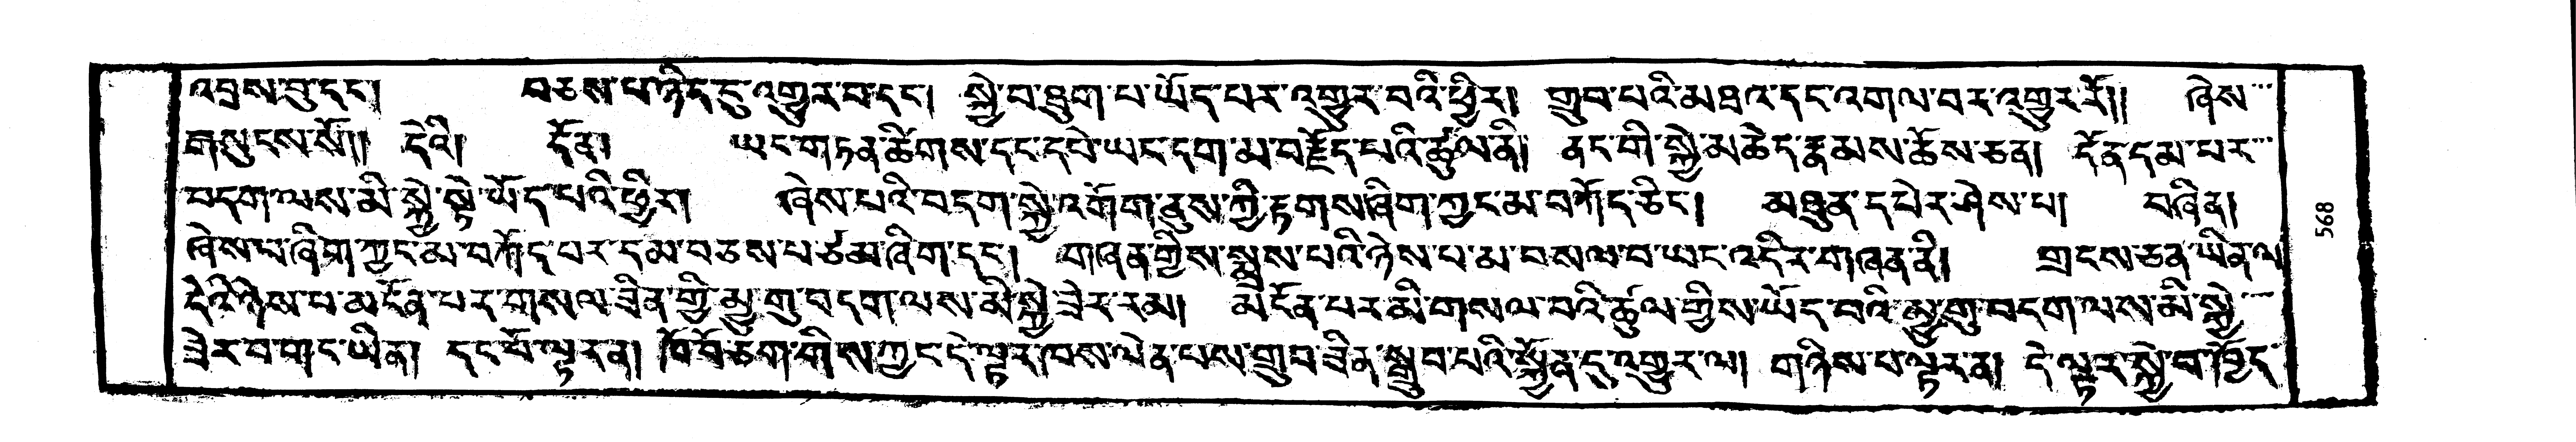འབྲས་བུ་དང་། བཅས་པ་ཉིད་དུ་འགྱུར་བ་དང་། སྐྱེ་བ་ཐུག་པ་ཡོད་པར་འགྱུར་བའི་ཕྱིར། གྲུབ་པའི་མཐའ་དང་འགལ་བར་འགྱུར་རོ། །ཞེས་
གསུངས་སོ། །དེའི་དོན། ཡང་གཏན་ཚིགས་དང་དཔེ་ཡང་དག་མ་བརྗོད་པའི་ཚུལ་ནི། ནང་གི་སྐྱེ་མཆེད་རྣམས་ཆོས་ཅན། དོན་དམ་པར་
བདག་ལས་མི་སྐྱེ་སྟེ་ཡོད་པའི་ཕྱིར། ཞེས་པའི་བདག་སྐྱེ་འགོག་ནུས་ཀྱི་རྟགས་ཞིག་ཀྱང་མ་བཀོད་ཅིང་། མཐུན་དཔེར་ཤེས་པ། བཞིན།
ཞེས་པ་ཞིག་ཀྱང་མ་བཀོད་པར་དམ་བཅས་པ་ཙམ་ཞིག་དང་། གཞན་གྱིས་སྨྲས་པའི་ཉེས་པ་མ་བསལ་བ་ཡང་འདིར་གཞན་ནི། གྲངས་ཅན་ཡིན་ལ་
དེའི་ཉེས་པ་མངོན་པར་གསལ་ཟིན་གྱི་མྱུ་གུ་བདག་ལས་མི་སྐྱེ་ཟེར་རམ། མངོན་པར་མི་གསལ་བའི་ཚུལ་གྱིས་ཡོད་པའི་མྱུ་གུ་བདག་ལས་མི་སྐྱེ་
ཟེར་བ་གང་ཡིན། དང་པོ་ལྟར་ན། ཁོ་བོ་ཅག་གིས་ཀྱང་དེ་ལྟར་ཁས་ལེན་པས་གྲུབ་ཟིན་སྒྲུབ་པའི་སྐྱོན་དུ་འགྱུར་ལ། གཉིས་པ་ལྟར་ན། དེ་ལྟར་སྐྱེ་བ་ཁྱོད་